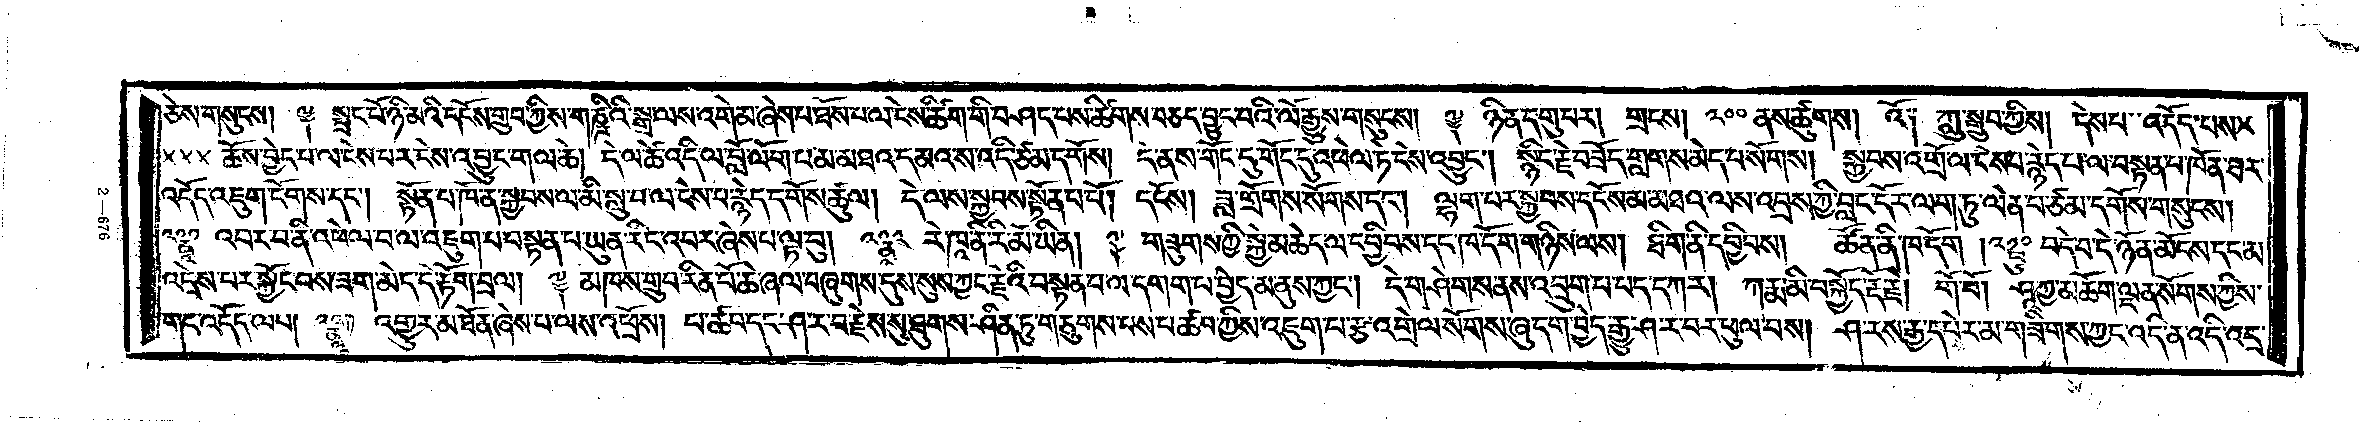ཞེས་གསུངས། སྤྲང་པོ་ཉི་མའི་དངོས་གྲུབ་ཀྱིས་གཎྜིའི་སྒྲ་ལས་འགེམ་ཞེས་པ་ཐོས་པ་ལ་ངེས་ཚིག་གི་བཤད་པས་ཚིགས་བཅད་བྱུང་བའི་ལོ་རྒྱུས་གསུངས། ༈ ཉིན་དགུ་པར། གྲངས། ༢༠༠་ནས་ཚུགས། འོ༑ ཀླུ་སྒྲུབ་ཀྱིས། དེས་པ་འདོད་པས྾་
྾྾྾་ལ་ངེས་པས་ངེས་འབྱུང་གལ་ཆེ། དེ་ལ་ཚེ་འདི་ལ་བློ་ལོག་པ་མ་མཐའ་དམའ་ས་འདི་ཙམ་དགོས། དེ་ནས་གོང་དུ་གོང་དུ་འཕེལ་ཏེ་ངེས་འབྱུང་། སྙིང་རྗེ་བཟོད་གླགས་མེད་པ་སོགས། སྐྱབས་འགྲོ་ལ་ངེས་པ་རྙེད་པ་ལ་བསྟན་པ་ཁོན་ཐར་
འདོད་འཇུག་ངོགས་དང་། སྟོན་པ་ཁོ་ན་སྐྱབས་ལ་མི་སླུ་བ་ལ་ངེས་པ་རྙེད་དགོས་ཚུལ། དེ་ལས་སྐྱབས་སྟོན་པ་པོ། དངོས། ཟླ་གྲོགས་སོགས་དང་། ལྷག་པར་སྐྱབས་དངོས་མ་མཐའ་ལས་འབྲས་ཀྱི་བླང་དོར་ལག་ཏུ་ལེན་པ་ཙམ་དགོས་གསུངས།
༢༡༡ན༢་འབར་བ་ནི་འཕེལ་བ་ལ་འཇུག་པ་བསྟན་པ་ཡུན་རིང་འབར་ཞེས་པ་ལྟ་བུ། ༢༡༢ན༢་རེ་ཁཱ་ནི་རི་མོ་ཡིན། ༈ གཟུགས་ཀྱི་སྐྱེ་མཆེད་ལ་དབྱིབས་དང་ཁ་དོག་གཉིས་ལས། ཐིག་ནི་དབྱིབས། ཚོན་ནི་ཁ་དོག །༢༡༠བ༦་བདེ་བ་དེ་ཉོན་མོངས་དང་མ་
འདྲེས་པར་སྐྱོང་བས་ཟག་མེད་དེ་རྟོག་བྲལ། ༈ མཁས་གྲུབ་རིན་པོ་ཆེ་ཞལ་བཞུགས་དུས་སུས་ཀྱང་རྗེའི་བསྟན་པ་ལ་དགག་པ་བྱེད་མ་ནུས་ཀྱང་། དེ་གཤེགས་ནས་འབྲུག་པ་པད་དཀར། ཀརྨ་མི་བསྐྱོད་རྡོ་རྗེ། གོ་བོ། ཤཱཀྱ་མཆོག་ལྡན་སོགས་ཀྱིས་
གང་འདོད་ལབ། ༡༢༡ན༣་འགྱུར་མ་ཐོན་ཞེས་པ་ལས་འཕྲོས། པ་ཚབ་དང་ཤར་བ་རྗེས་སུ་ཐུགས་ཤིན་ཏུ་གཅུགས་པས་པ་ཚབ་ཀྱིས་འཇུག་པ་རྩ་འགྲེལ་སོགས་ཞུ་དག་བྱེད་རྒྱུ་ཤ་ར་བར་ཕུལ་བས། ཤ་རས་རྒྱ་དཔེར་མ་གཟིགས་ཀྱང་འདི་ན་འདི་འདྲ་